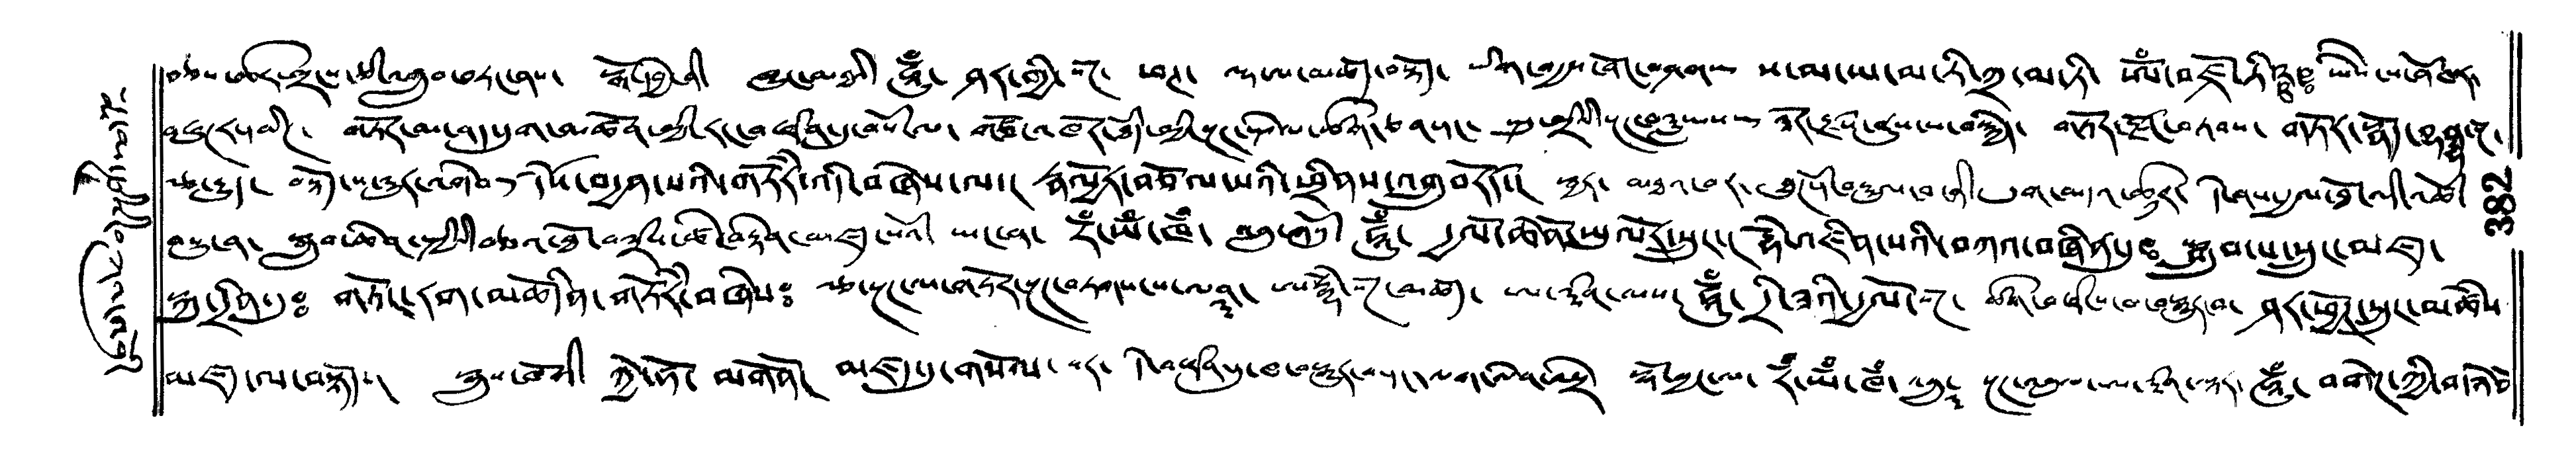བཅས་ཚར་གྲངས་ཅི་འགྲུབ་བཏང་ནས། སྒོ་དབྱེ་ནི། ཁྱུང་མཐའི། ཧཱུྃ༔ ཤར་གྱི༴ སོགས། ཕཊཿ ལྷ་ལ་མཆོད་བསྟོད། ཡིག་བརྒྱས་ནོངས་བཤགས། ས་མ་ཡ་མ་ཏི་ཀྲ་མ་ཏི༔ ཨོཾ་བཛྲོ་ཏིཥྛ༔ ཡེ་ཤེས་པ་ནམ་མཁར་
བཞུགས་པར་དམིགས། གཏོར་མ་ནད་དུག་མཚོན་གྱི་རང་བཞིན་དུ་བསམ་ལ། གཙོ་འཁོར་ཐམས་ཅད་གྱི་སྔགས་སྤེལ་ཚིག་ཅན་དང་། སྤུ་གྲིའི་སྔགས་བཟླས་པས་ཟོར་རྫས་ནུས་པ་བསྐྱེད། གཏོར་རྫོངས་བཏབ། གཏོར་སྣོད་བྷནྡྷ༴ 
སོགས། རྩ་རྒྱུད། བསྟོད་པ་ཟུར་འགེབས། དམ་རྫས་བརྒྱན་པའི་གཏོར་མ་འདི་བཞེས་ལ། །རྣལ་འབྱོར་བཅོལ་པའི་ཕྲིན་ལས་འགྲུབ་པར་མཛོད། སྦྱར། མཐའ་བར། ཐུགས་དམ་བསྐུལ་བ་ནི། དུག་མདའ་ཚར་གཅིག དེ་ནས་རྒྱལ་ཐོ་འདིའི་མཚམས་
བསྡུ་ན། སྒྲུབ་ཆེན་སྤྱིའི་བཅའ་ཐོ་བཀྲ་ཤིས་ཚེ་བརྟེན་གྱིས་མཛད་པའམ། ཡང་ན། རྃ་ཡྃ་ཁྃ༔ འབྲུ་གསུམ། ཧཱུྃ༔ རྒྱལ་པོ་ཆེན་པོ་ཡུལ་འཁོར་སྲུང༔ རྡོ་རྗེ་འཛིན་པའི་བཀའ་བཞིན་དུ༔ སྒྲུབ་པ་སྲུང་མཛད་
སྐུ་དྲིན་དུ༔ གཏང་རག་མཆོད་སྦྱིན་གཏོར་མ་བཞེས༔ རྩ་སྔགས་ལ་གཏོར་སྔགས་བཏགས་པ་ལན་གསུམ། ཨརྒྷཾ༴ སོགས་མཆོད། ཨ་ཟིན་ལས། ཧཱུྃ༔ དྲི་ཟའི་རྒྱལ་པོ༴ སོགས། ཚིག་བཞི་པ་ཁ་བསྒྱུར་བ། ཤར་ཕྱོགས་སྲུང་མཚམས་
མཛད་ལ་བསྟོད༔ སྒྲུབ་ཁོག་གི ཀྱཻ་ཧོཿ མགོན་པོ༴ མཛད་དུ་གསོལ༔ བར། དེ་བཞིན་དུ་ཁ་བསྒྱུར་བ་དང་ལག་ལེན་འགྲེས། སྒོ་བྱང་ལ། རྃ་ཡྃ་ཁྃ༔ འབྲུ་གསུམ། སྔགས་འབུལ་ཨ་ཟིན་ལྟར། ཧཱུྃ༔ བགེགས་ཀྱི་བདག་པོ་གཤིན་རྗེ་